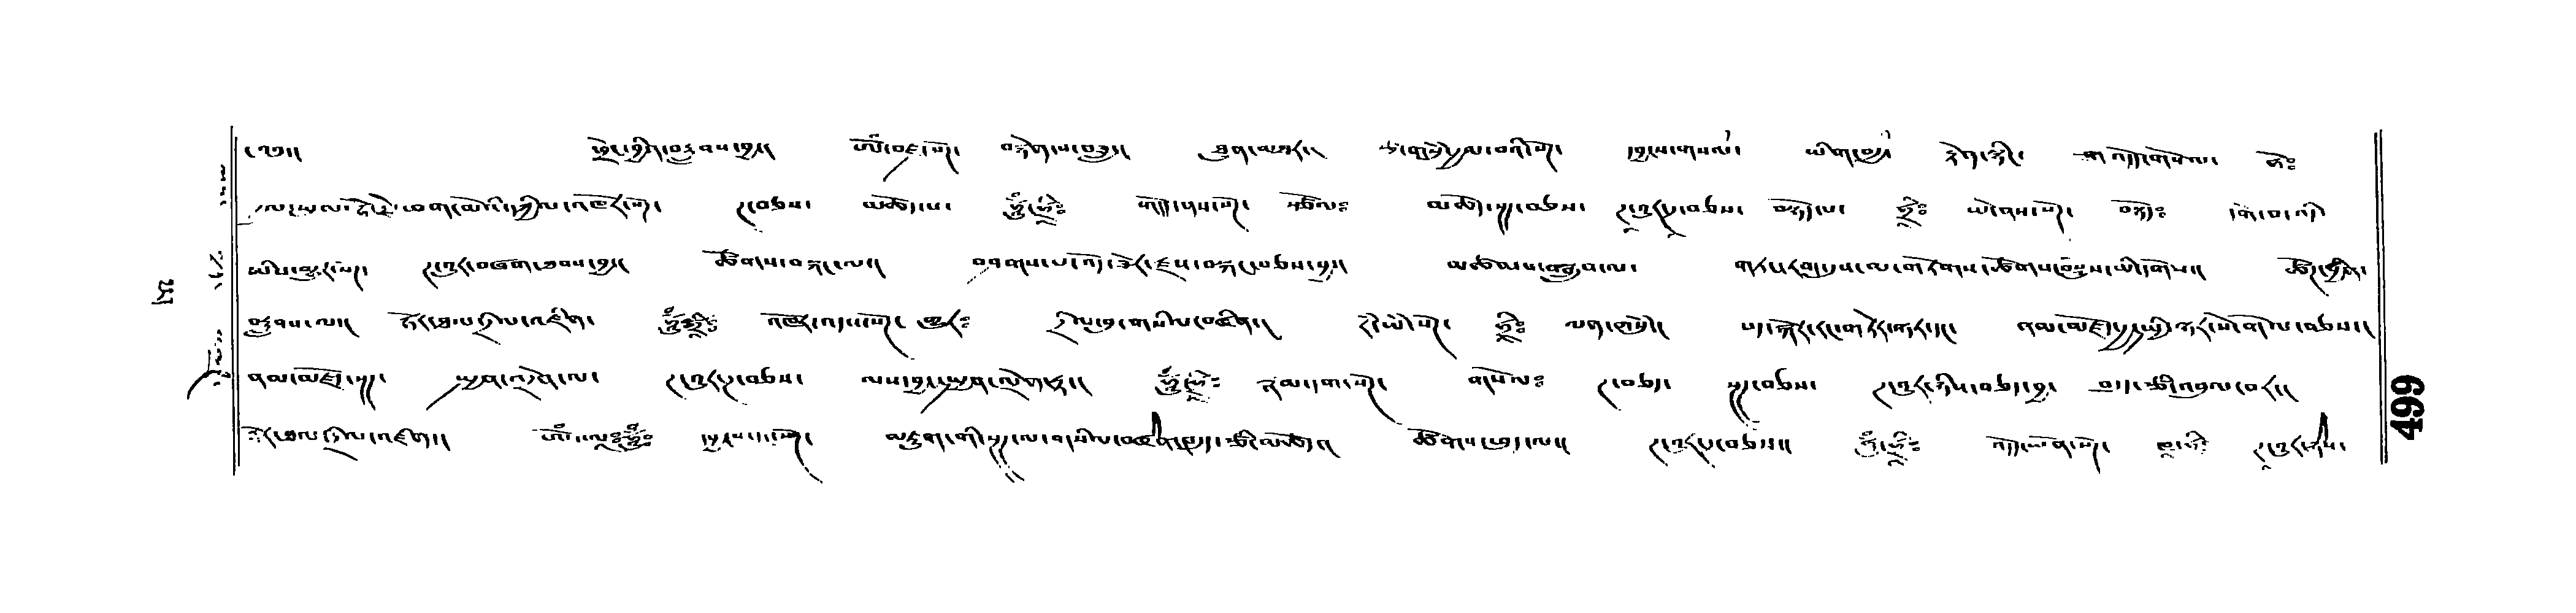ཕྲེང་བྱིན་བརླབས་བྱ། ཨོཾ་བཛྲ་སོགས། བསྙེན་པ་བཟླ། ཐུན་མཐར། རྩ་གསུམ་རྒྱལ་བའི་སོགས། དབྱངས་གསལ་གཅིག ཡིག་བརྒྱ་གཅིག སྟོན་སྙིང་། འདོད་གསོལ། ཧོཿ 
རྒྱལ་ཡུམ་རྡོ་རྗེ་ཕག་མོའི་དཀྱིལ་འཁོར་སོགས། ཌཱ་བཅས། མཆོད་པ། ཧཱུྃ་ཧྲཱིཿ གདོད་ནས་སོགས། སྩོལ༔ མཆོད་སྔགས་བཅས། ཌཱ་འུར་ཌཱ་བཅས། བསྟོད་པ། ཧྲཱིཿ ཡེ་ནས་སོགས། བསྟོད༔ དགེ་བ་འདི་
ཡིས་མྱུར་སོགས། ཌཱ་འུར་བཞག་ཐབས་བྱ། ཚོགས་བསྐང་ལ། བཤགས་པ་འོད་ཟེར་རྫས་བསྐང་བཅས་བྱ། མཚམས་བསྒྲུབ་ལ། གཏང་རག་དུས་མ་གཏོགས་ཚོགས་བསྡུས་མི་དགོས། ཚོགས་བྱིན་
བརླབས་ལ། རྡོར་ཐལ་དྲིལ་འཛིན། ཧཱུྃ་ཧྲཱིཿ འཁོར་འདས་སོགས། གྱུར༔ དྲིལ་བུ་གསིལ་བཞིན། རྃ་ཡྃ་སོགས། ཧྲཱིཿ ལན་གསུམ། པད་སྐོར་རང་གཏེར་ལྟར་དང་། ནམ་མཛོད་རྒྱ་སྤྱི་ལྟར་སེ་གོལ་བཅས། 
ནམ་མཛོད་སྔགས། སྤྱན་འདྲེན་ལ། ཌཱ་འུར་ཌཱ་བཅས། ལས་བྱང་སྤྱན་འདྲེན་རྟ། ཧཱུྃ་ཧྲཱིཿ རྣམ་དག་སོགས། གསོལ༔ ཌཱ་བཅད། སྔགས་བཅས། ཌཱ་འུར་ཉིས་བཅད་བྱ། བདུད་རྩི་འབུལ་བར། 
རྡོར་ཐལ་དྲིལ་འཛིན། ཨོཾ་ཨཱཿཧཱུྃ༔ དབྱིངས་དང་སོགས། མཇུག་གི་སྔགས་ལ་གསིལ་བཞིན་བདུད་རྩི་མཆོད། ཚོགས་ཕུད་ལ། ཌཱ་འུར་ཌཱ་བཅས། ཧཱུྃ་ཧྲཱིཿ འདོད་ཡོན་སོགས། ཁཱ་ཧིཿ ཌཱ་འུར་ཉིས་